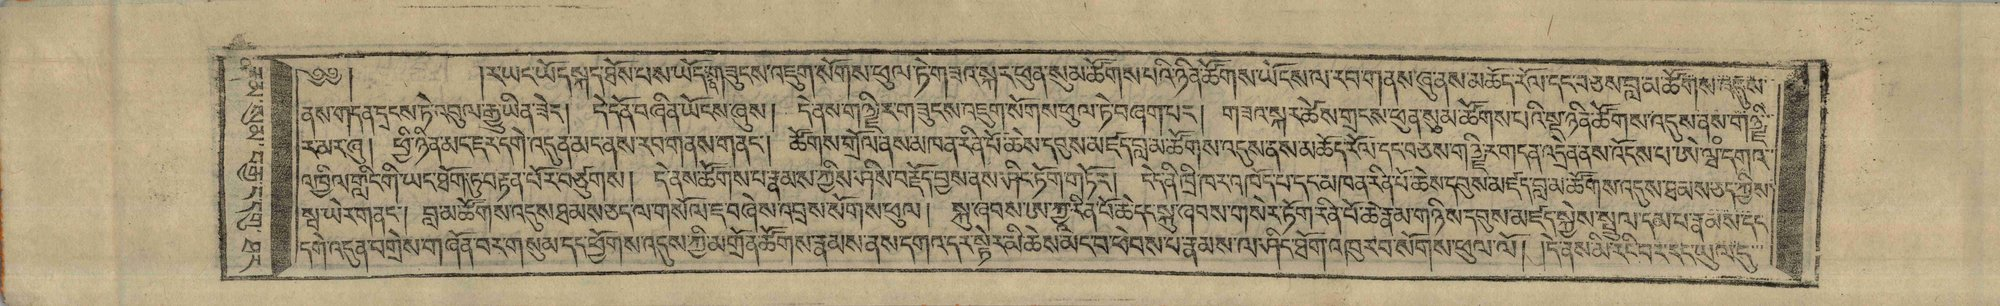༄༅། །ར་ཡང་ཡོད་སྐད་ཐོས་པས་ཡོད་ན་གཟུངས་འཇུག་སོགས་ཕུལ་ཏེ་གཟའ་སྐར་ཕུན་སུམ་ཚོགས་པའི་ཉིན་ཚོགས་ཡོངས་ལ་རབ་གནས་ཞུ་ནས་མཆོད་རོལ་དང་བཅས་བླ་མ་ཚོགས་འདུས་
ནས་གདན་དྲངས་ཏེ་འབུལ་རྒྱུ་ཡིན་ཟེར། དེ་དོན་བཞིན་ཡོངས་ཞུས། དེ་ནས་གཉྫི་ར་གཟུངས་འཇུག་སོགས་ཕུལ་ཏེ་བཞག་པར། གཟའ་སྐར་ཚེས་གྲངས་ཕུན་སུམ་ཚོགས་པའི་སྔ་ཉིན་ཚོགས་འདུས་ནས་གཉྫི་
ར་མར་ཞུ། ཕྱི་ཉིན་མང་ཇར་དགེ་འདུན་མང་ནས་རབ་གནས་གནང་། ཚོགས་གྲོལ་ནས་མཁན་རིན་པོ་ཆེས་དབུས་མཛད་བླ་མ་ཚོགས་འདུས་ནས་མཆོད་རོལ་དང་བཅས་གཉྫི་ར་གདན་འདྲེན་ནས་འོངས་པ་ཨེ་ཝཾ་དགའ་
འཁྱིལ་གླིང་གི་ཡང་ཐོག་ཏུ་བརྟན་པོར་བཙུགས། དེ་ནས་ཚོགས་པ་རྣམས་ཀྱིས་ཤིས་བརྗོད་བྱས་ནས་ཤིང་ཏོག་གཏོར། ངེད་ནི་ཁྲི་ཁར་འཁོད་པ་དང་མཁན་རིན་པོ་ཆེས་དབུས་མཛད་བླ་མ་ཚོགས་འདུས་ཐམས་ཅད་ཀྱིས་
སྦ་ཡེར་གནང་། བླ་མ་ཚོགས་འདུས་ཐམས་ཅད་ལ་གསོལ་ཇ་བཞེས་འབྲས་སོགས་ཕུལ། སྐུ་ཞབས་ཨ་ཀྱཱ་རིན་པོ་ཆེ་དང་སྐུ་ཞབས་གསེར་ཏོག་རིན་པོ་ཆེ་རྣམ་གཉིས་དབུས་མཛད་སྐྱེས་སྤྲུལ་དམ་པ་རྣམས་དང་
དགེ་འདུན་བགྲེས་གཞོན་པར་གསུམ་དང་ཕྱོགས་འདུས་ཀྱི་མགྲོན་ཚོགས་རྣམས་ནས་དགའ་དར་སྟེར་མི་ཆེས་མང་བ་ཕེབས་པ་རྣམས་ལ་ཤིང་ཐོག་འཁུར་བ་སོགས་ཕུལ་ལོ། །དེ་ནས་མི་རིང་བར་རང་ཡུལ་དུ་